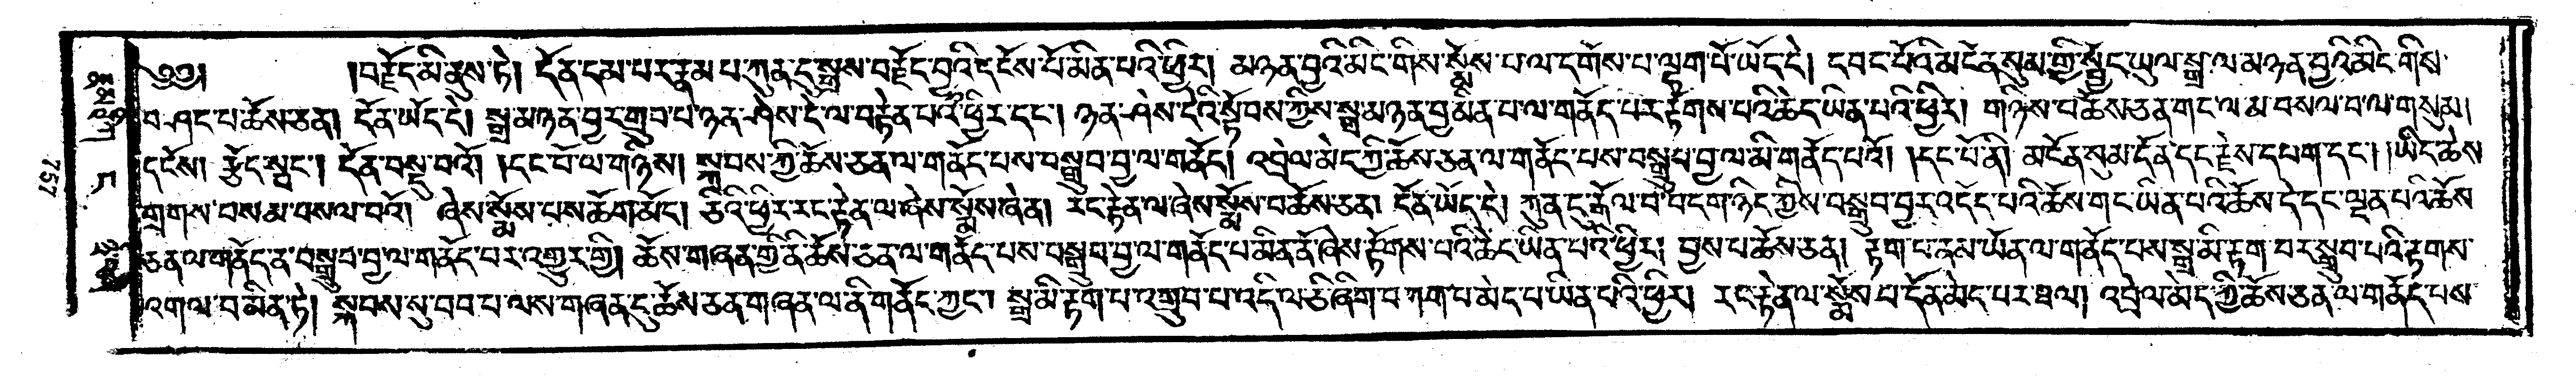༄༅། །བརྗོད་མི་ནུས་ཏེ། དོན་དམ་པར་རྣམ་པ་ཀུན་དུ་སྒྲས་བརྗོད་བྱའི་དངོས་པོ་མིན་པའི་ཕྱིར། མཉན་བྱའི་མིང་གིས་སྨོས་པ་ལ་དགོས་པ་ལྷག་པོ་ཡོད་དེ། དབང་པོའི་མངོན་སུམ་གྱི་སྦྱོང་ཡུལ་སྒྲ་ལ་མཉན་བྱའི་མིང་གིས་
བཤང་པ་ཆོས་ཅན། དོན་ཡོད་དེ། སྒྲ་མཉན་བྱར་གྲུབ་པ་ཉན་ཤེས་དེ་ལ་བརྟེན་པའི་ཕྱིར་དང་། ཉན་ཤེས་དེའི་སྟོབས་ཀྱིས་སྒྲ་མཉན་བྱ་མིན་པ་ལ་གནོད་པར་རྟོགས་པའི་ཆེད་ཡིན་པའི་ཕྱིར། གཉིས་པ་ཆོས་ཅན་གང་ལ་མ་བསལ་བ་ལ་གསུམ།
དངོས། རྩོད་སྤང་། དོན་བསྡུ་བའོ། །དང་པོ་ལ་གཉིས། སྐབས་ཀྱི་ཆོས་ཅན་ལ་གནོད་པས་བསྒྲུབ་བྱ་ལ་གནོད། འབྲེལ་མེད་ཀྱི་ཆོས་ཅན་ལ་གནོད་པས་བསྒྲུབ་བྱ་ལ་མི་གནོད་པའོ། །དང་པོ་ནི། མངོན་སུམ་དོན་དང་རྗེས་དཔག་དང་། །ཡིད་ཆེས་
གྲགས་བསམ་བསལ་བའོ། ཞེས་སྨོས་པས་ཆོག་མོང་། ཅིའི་ཕྱིར་རང་རྟེན་ལ་ཞེས་སྨོས་ཞེ་ན། རང་རྟེན་ལ་ཞེས་སྨོས་པ་ཆོས་ཅན། དོན་ཡོད་དེ། ཀུན་དུ་རྒོལ་བ་བདག་ཉིད་ཀྱིས་བསྒྲུབ་བྱར་འདོད་པའི་ཆོས་གང་ཡིན་པའི་ཆོས་དེ་དང་ལྡན་པའི་ཆོས་
ཅན་ལ་གནོད་ན་བསྒྲུབ་བྱ་ལ་གནོད་བར་འགྱུར་གྱི། ཆོས་གཞན་གྱི་ནི་ཆོས་ཅན་ལ་གནོད་པས་བསྒྲུབ་བྱ་ལ་གནོད་པ་མིན་ནོ་ཞེས་རྟོགས་པའི་ཆེད་ཡིན་པའི་ཕྱིར། བྱས་པ་ཆོས་ཅན། རྟག་པ་ནམ་ཡོན་ལ་གནོད་པས་སྒྲ་མི་རྟག་པར་སྒྲུབ་པའི་རྟགས་
འགལ་བ་མིན་ཏེ། སྐབས་སུ་བབ་པ་ལས་གཞན་དུ་ཆོས་ཅན་གཞན་ལ་ནི་གནོད་ཀྱང་། སྒྲ་མི་རྟག་པ་འགྲུབ་པ་འདི་ལ་ཅི་ཞིག་བཀག་པ་མེད་པ་ཡིན་པའི་ཕྱིར། རང་རྟེན་ལ་སྨོས་པ་དོན་མེད་པར་ཐལ། འབྲེལ་མེད་ཀྱི་ཆོས་ཅན་ལ་གནོད་པས་